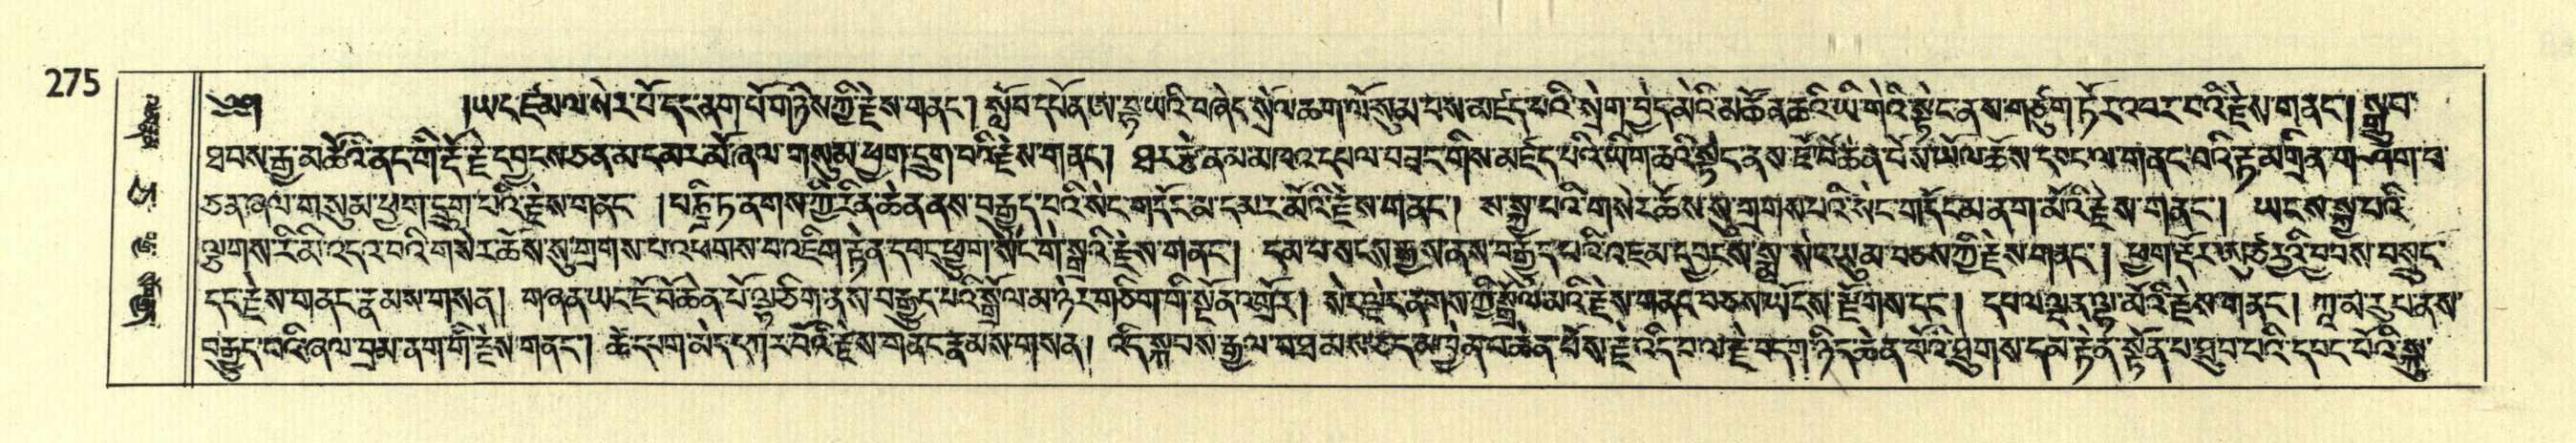༄༅། །ཡང་ཛམ་ལ་སེར་པོ་དང་ནག་པོ་གཉིས་ཀྱི་རྗེས་གནང་། སློབ་དཔོན་ཨ་བྷ་ཡའི་བཞེང་སྲོལ་ཆག་ལོ་སུམ་པས་མཛད་པའི་སྲེག་བྱེད་མེའི་མཚོན་ཆའི་ཡི་གེའི་སྟེང་ནས་གཙུག་ཏོར་འབར་བའི་རྗེས་གནང་། སྒྲུབ་
ཐབས་རྒྱ་མཚོའི་ནང་གི་རྡོ་རྗེ་དབྱངས་ཅན་མ་དམར་མོ་ཞལ་གསུམ་ཕྱག་དྲུག་བའི་རྗེས་གནང་། ཐར་རྩེ་ནམ་མཁའ་དཔལ་བཟང་གིས་མཛད་པའི་ཡིག་ཆའི་སྟེང་ནས་ཇོ་བོ་ཆེན་པོས་ཡོལ་ཆོས་དབང་ལ་གནང་བའི་རྟ་མགྲིན་གཤོག་བ་
ཅན་ཞལ་གསུམ་ཕྱག་དྲུག་པའི་རྗེས་གནང་།པཎྜི་ཏ་ནགས་ཀྱི་རིན་ཆེན་ནས་བརྒྱུད་པའི་སེང་གདོང་མ་དམར་མོའི་རྗེས་གནང་། ས་སྐྱ་པའི་གསེར་ཆོས་སུ་གྲགས་པའི་སེང་གདོང་མ་ནག་མོའི་རྗེས་གནང་། ཡང་ས་སྐྱ་པའི་
ལྕགས་རི་མི་འདའ་བའི་གསེར་ཆོས་སུ་གྲགས་པ་འཕགས་པ་འཇིག་རྟེན་དབང་ཕྱུག་སེང་གེ་སྒྲའི་རྗེས་གནང་། དམ་པ་སངས་རྒྱས་ནས་བརྒྱུད་པའི་འཇམ་དབྱངས་སྨྲ་སེང་ཡུམ་བཅས་ཀྱི་རྗེས་གནང་། ཕྱག་རྡོར་ཨུ་ཙརྱའི་བྱབས་བསྲུང་
དང་རྗེས་གནང་རྣམས་གསན། གཞན་ཡང་ཇོ་བོ་ཆེན་པོ་ལྷ་ཅིག་ནས་བརྒྱུད་པའི་སྒྲོལ་མ་ཉེར་གཅིག་གི་སྔོན་འགྲོར། སེར་ལྡེང་ནགས་ཀྱི་སྒྲོལ་མའི་རྗེས་གནང་བཅས་ཡོངས་རྫོགས་དང་། དཔལ་ལྡན་ལྷ་མོའི་རྗེས་གནང་། ཀཱ་མ་རུ་པ་ནས་
བརྒྱུད་བའི་ཞལ་བྲམ་ནག་གི་རྗེས་གནང་། ཚེ་དཔག་མེད་དཀར་བོའི་རྗེས་གནང་རྣམས་གསན། འདི་སྐབས་རྒྱལ་བ་ཐམས་ཅད་མཁྱེན་པ་ཆེན་པོས་རྗེ་འདི་བ་ལ་རྗེ་བདག་ཉིད་ཆེན་པོའི་ཐུགས་དམ་རྟེན་སྟོན་པ་ཐུབ་པའི་དབང་པོའི་སྐུ་